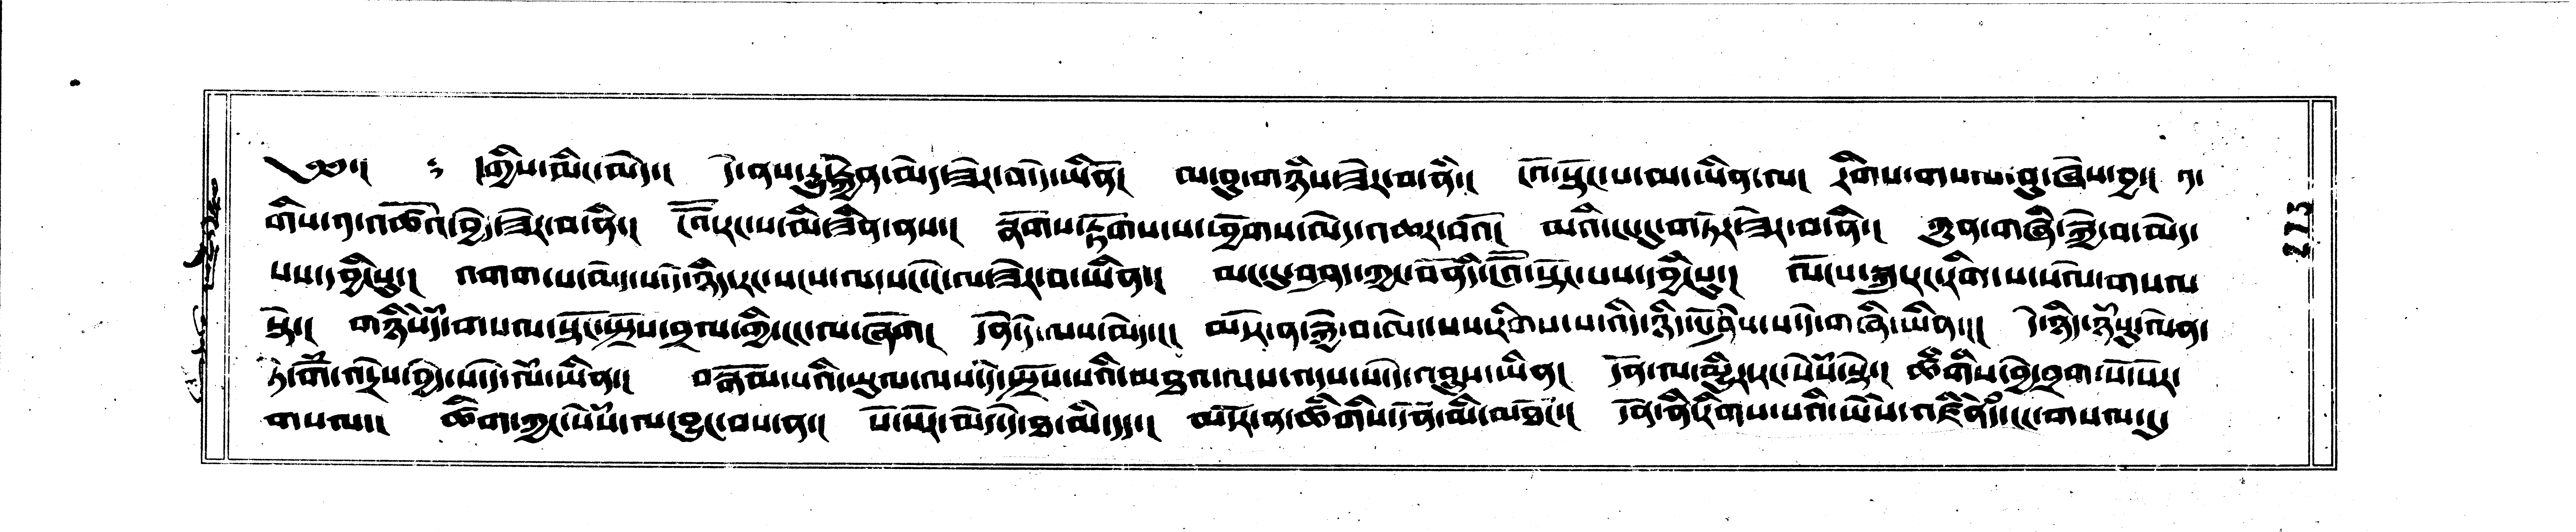གྱིས་མིང་མེད། དེ་ན་རྒྱུ་རྐྱེན་མེད་ཟེར་བ་ནི་དེ་ཡིན། མ་བུ་གཉིས་ཟེར་བ་ནི། ངོའོ་སྟོང་པ་མ་ཡིན་ལ། རིག་པ་གསལ་བ་བུ་ཅེས་བྱ། 
ཅིག་གིས་གཅིག་འཚོ་བྱེད་ཟེར་བ། ངོའོ་རང་ས་མི་ཟིན་ནས། སྣ་ཚོགས་ཕྱོགས་མེད་འཆར་བའོ། མའི་ངང་དུ་སྟོར་བས་ཐལ་ཟེར་བ་ནི། ཀུན་གཞི་བྱང་ཆུབ་སྐྱེ་བ་མེད་
པའི་ངང་དུ་འགགས་པ་མེད་པ་དེ་ཉིད་རང་སངས་སུ་སོང་པ་ལ་ཟེར་བ་ཡིན། མང་དུ་བཤད་ཀྱ་བོན་སྐུའི་ངོའོ་སྟོང་པའི་དབྱིངས་སུ་ལོང་༼ལོངས༽སྐུ་རང་རིག་སལེ་གསལ་
ཏེ། གཉིས་མེད་གསལ་སྟོང་སྤྲོས་བྲལ་གྱི་ངང་དུ་ཞོག་དང་དོན་དེ་ལས་མེད་དོ། མདོར་ན་སྐྱེ་བ་མེད་པའི་རིག་པ་འདི་ཉིད་ངོ་ཤེས་པ་དེ་གཞི་ཡིན། དེ་ཉིད་ཉམས་སུ་ལེན་
ཏེ་གོམས་འདྲི་བྱེད་པ་དེ་ལམ་ཡིན། སྒོམ་པའི་ཡུལ་ལས་ཏེ་སྤྲོས་པའི་མཐའ་ལས་འདས་པ་དེ་འབྲས་བུ་ཡིན། དོན་ལ་མི་འགྱུར་བ་རང་སེམས་སྟེ། ཚིགས་ཀྱི་༼ཚིག་གི་༽བྱེ་བྲག་སོ་སོར་
གསལ། ཚིག་ཀྱང་སེམས་ལས་འབྱུང་བས་ན། སོ་སོར་མེད་དེ་ཐ་མི་དེད་༼དད༽། མདོར་ན་ཚིག་ཀྱི་དོན་མི་མཐོང་། དོན་ནི་རིག་པའི་ཡེ་ཤེས་འཛིན་མེད་རང་གསལ་